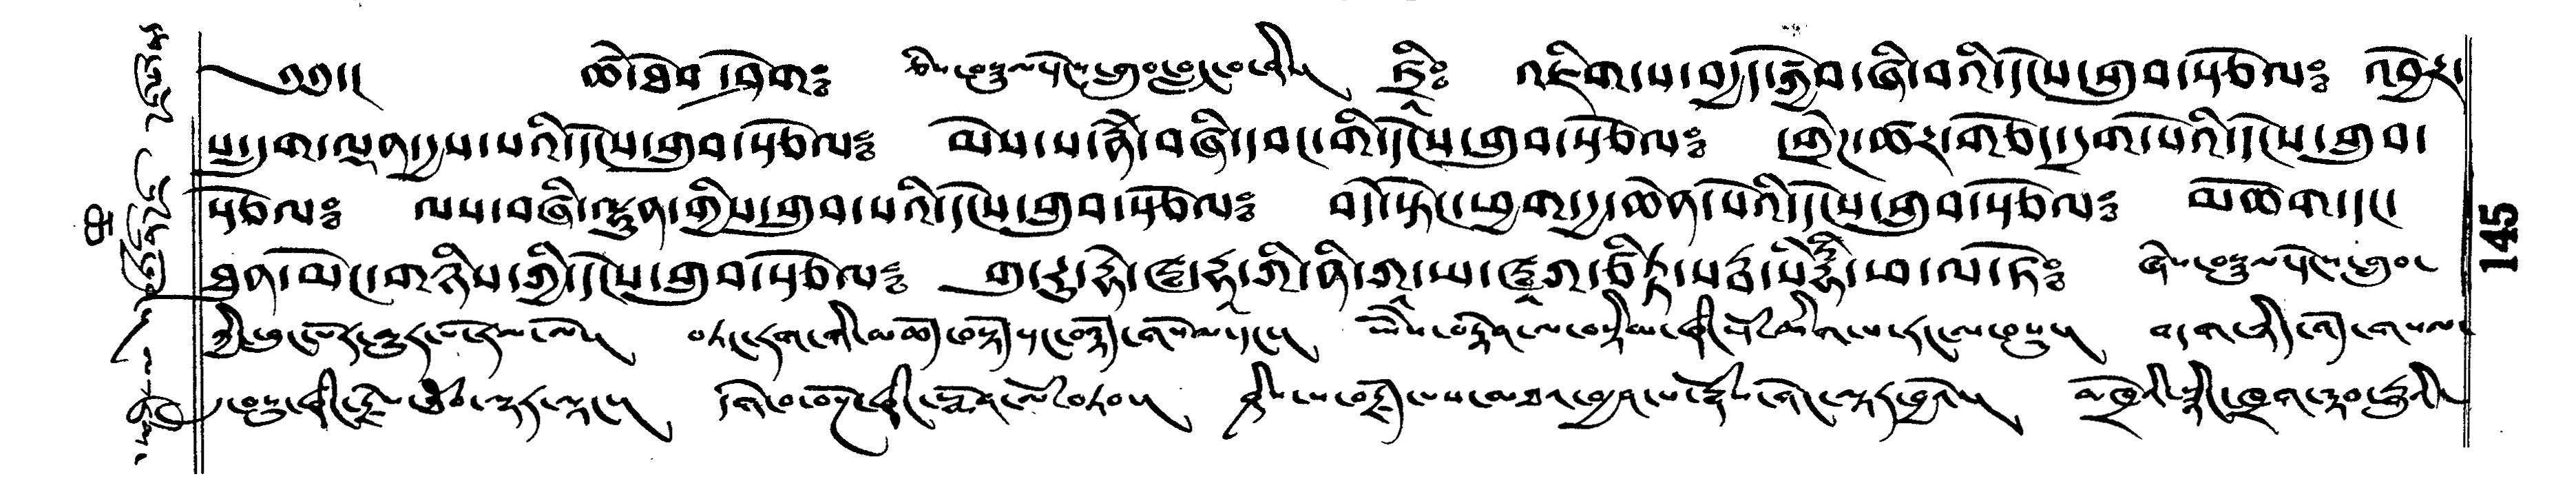ཚེ་ཐོབ་ཤོག༔ ཅེས་བསྐུལ་དངོས་གྲུབ་བླང་བ་ནི། ཧྲཱི༔ འཇིགས་པ་བརྒྱད་སྐྱོབ་ཞི་བའི་དངོས་གྲུབ་སྩོལ༔ འབྱོར་
པ་དྲུག་ལྡན་རྒྱས་པའི་དངོས་གྲུབ་སྩོལ༔མོས་པ་རྣམ་བཞི་དབང་གི་དངོས་གྲུབ་སྩོལ༔ དགྲ་བགེགས་ཚར་གཅོད་དྲག་པོའི་དངོས་གྲུབ་
སྩོལ༔ ལས་བཞི་ལྷུན་གྱིས་གྲུབ་པའི་དངོས་གྲུབ་སྩོལ༔ བདེ་སྟོང་ཕྱག་རྒྱ་ཆེན་པོའི་དངོས་གྲུབ་སྩོལ༔ མཆོག་དང་
ཐུན་མོང་གཉིས་ཀྱི་དངོས་གྲུབ་སྩོལ༔ གུ་རུ་དྷེ་ཝ་དྷཱ་ཀི་ནི་ཀཱ་ཡ་ཝཱཀྐ་ཙིཏྟ་སརྦ་སིདྡྷི་ཕ་ལ་ཧོཿ ཞེས་བསྐུལ་དངོས་གྲུབ་
ཀྱི་ཕུང་པོར་གྱུར་པ་ལ་རོལ་ལོ། བཏང་རག་གི་མཆོད་བསྟོད་དང་བཟོད་གསོལ་བྱ། ཡེ་ཤེས་པ་བརྟེན་ལ་བསྟིམ་ཞིང་དམ་ཚིག་པ་རང་ལ་བསྡུ། བདག་ཉིད་འོད་གསལ་
དུ་བསྡུ་ཞིང་རྗེས་ཐོབ་ཏུ་ལྷར་ལྡང་། དགེ་བ་བསྔོ་ཞིང་སྨོན་ལམ་འདེབས། ཤིས་པ་བརྗོད་པས་མཐའ་བརྒྱན་པ་རྣམས་གོང་ལྟར་བྱའོ།། མཁའ་འགྲོའི་སྙིང་ཁྲག་ཟབ་རྒུའི་